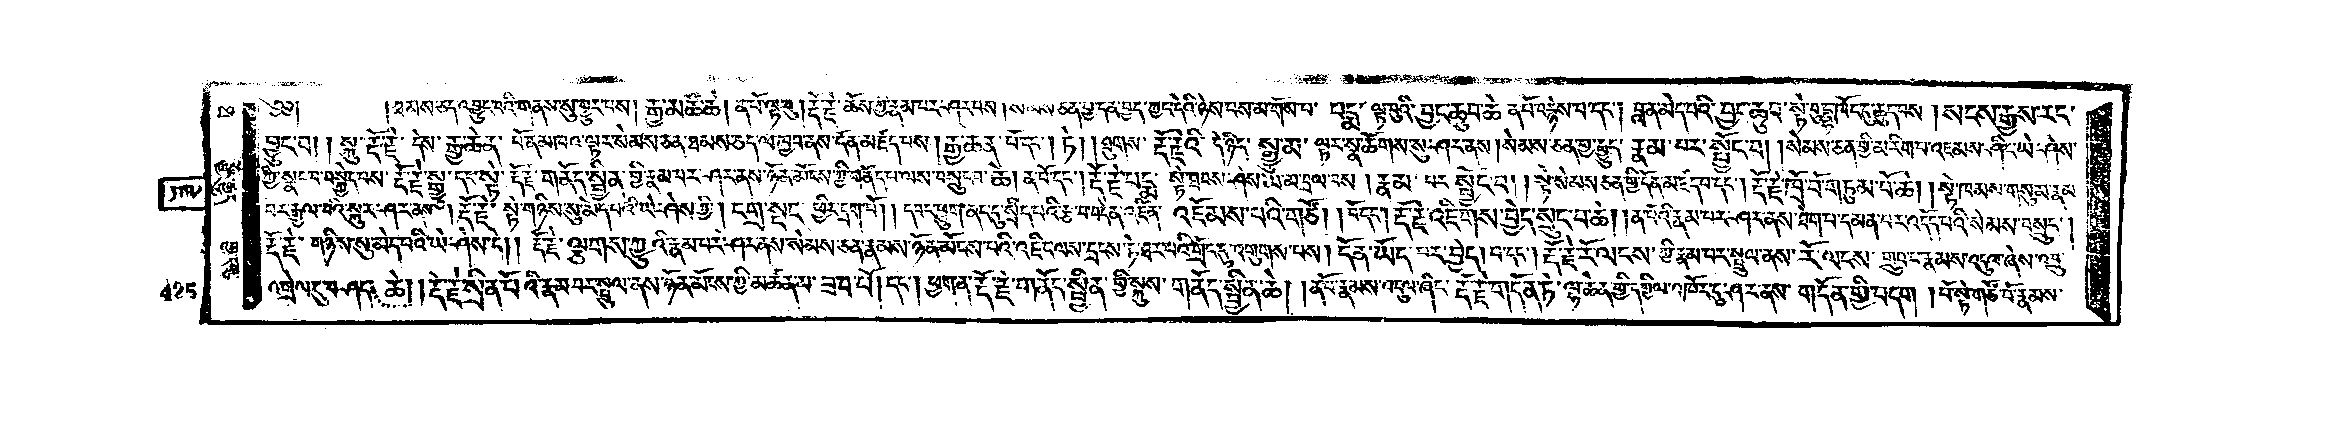༄༅། །ཐམས་ཅད་འབྱུང་བའི་གནས་སུ་གྱུར་པས། རྒྱ་མཚོ་ཆེ། ན་པོ་ལྟ་བུ།  རྡོ་རྗེ་ཆོས་ཀྱི་རྣམ་པར་ཤར་བས། སེམས་ཅན་གྱི་དོན་བྱད་ཀྱང་དེའི་ཉེས་བས་མ་གོས་པ་པདམ་ལྟ་བུའི་བྱང་ཆུབ་ཆེན་པོ་བརྙེས་པ་དང་། བླ་ན་མེད་པའི་བྱང་ཆུབ་སྟེ་བུདྡྷ་ཁོང་དུ་ཆུད་པས།  སངས་རྒྱས་རང་
བྱུང་བ། །སྐུ་རྡོ་རྗེ་དེས་རྒྱ་ཆེན་པོ་ནམ་མཁའ་ལྟར་སེམས་ཅན་ཐམས་ཅད་ལ་ཁྱབ་ནས་དོན་མཛད་པས།  རྒྱ་ཆེན་པོ་དང་།  ཏེ། །ཐུགས་རྡོ་རྗེའི་དེ་ཉིད་སྒྱུ་མ་ལྟར་སྣ་ཚོགས་སུ་ཤར་ནས། སེམས་ཅན་གྱི་རྒྱུད་རྣམ་པར་སྤྱོད་པ། །སེམས་ཅན་གྱི་མ་རིག་པ་འཇམས་ཤིང་ཡེ་ཤེས་
ཀྱི་སྣང་བ་བསྐྱེད་པས་རྡོ་རྗེ་སྒྱུ་དང་སྟེ་རྡོ་རྗེ་གནོད་སྦྱིན་གྱི་རྣམ་པར་ཤར་ནས་ཉོན་མོངས་ཀྱི་གནོད་པ་ལས་བསྲུང་བ་ཆེ། ན་པོ་དང་།  རྡོ་རྗེ་པདམ་སྟེ་ཐབས་ཤེས་མ་མ་བྲལ་བས།  རྣམ་པར་སྦྱོང་བ། །སྟེ་སེམས་ཅན་གྱི་དོན་མཛད་པ་དང་།  རྡོ་རྗེ་ཁྲོ་བོ་གཏུམ་པོ་ཆེ། །སྟེ་ཁམས་གསུམ་རྣམ་
པར་རྒྱལ་བའི་སྐུར་ཤར་ནས། རྡོ་རྗེ་སྟེ་གཉིས་སུ་མེད་པའི་ཡེ་ཤེས་ཀྱི།  དགྲ་སྡང་ཕྱིར་དྲག་པོ། །དབང་ཕྱུག་ནང་དུ་སྲིད་པའི་རྩ་བ་བདེན་འཛིན་འཇོམས་པའི་གཙོ། །བོ་དང་།  རྡོ་རྗེ་འཇིགས་བྱེད་སྲུང་བ་ཆེ། །ན་པོའི་རྣམ་པར་ཤར་ནས་ཐེག་པ་དམན་པར་འདོད་པའི་སེམས་བསྲུང་།
རྡོ་རྗེ་གཉིས་སུ་མེད་པའི་ཡེ་ཤེས་དེ། །རྡོ་རྗེ་ལྕགས་ཀྱུའི་རྣམ་པར་ཤར་ནས་སེམས་ཅན་རྣམས་ཉོན་མོངས་པའི་འཇིང་ལས་དྲངས་ཏེ་ཐར་བའི་གྲོང་དུ་འགུགས་པས། དོན་ཡོད་པར་བྱེད། བ་དང་།  རྡོ་རྗེ་རོ་ལངས་ཀྱི་རྣམ་པར་སྤྲུལ་ནས་རོ་ལངས་གྲུབ་པ་རྣམས་འདུལ་ཞེས་འབྲུ་
འགྲེལ་དུ་བཤད་ཆེ། །རྡོ་རྗེ་སྲིན་པོའི་རྣམ་པར་སྤྲུལ་ནས་ཉོན་མོངས་ཀྱི་མཚན་མ་ཟ་བ་པོ། དང་། ཕྱག་ན་རྡོ་རྗེ་གནོད་སྦྱིན་གྱི་སྐུས་གནོད་སྦྱིན་ཆེ། །ན་བོ་རྣམས་འདུལ་ཞིང་རྡོ་རྗེ་གདོན་ཏེ་ལྷ་ཆེན་གྱི་དཀྱིལ་འཁོར་དུ་ཤར་ནས་གདོན་གྱི་བདག །པོ་སྟེ་གཙོ་བོ་རྣམས་